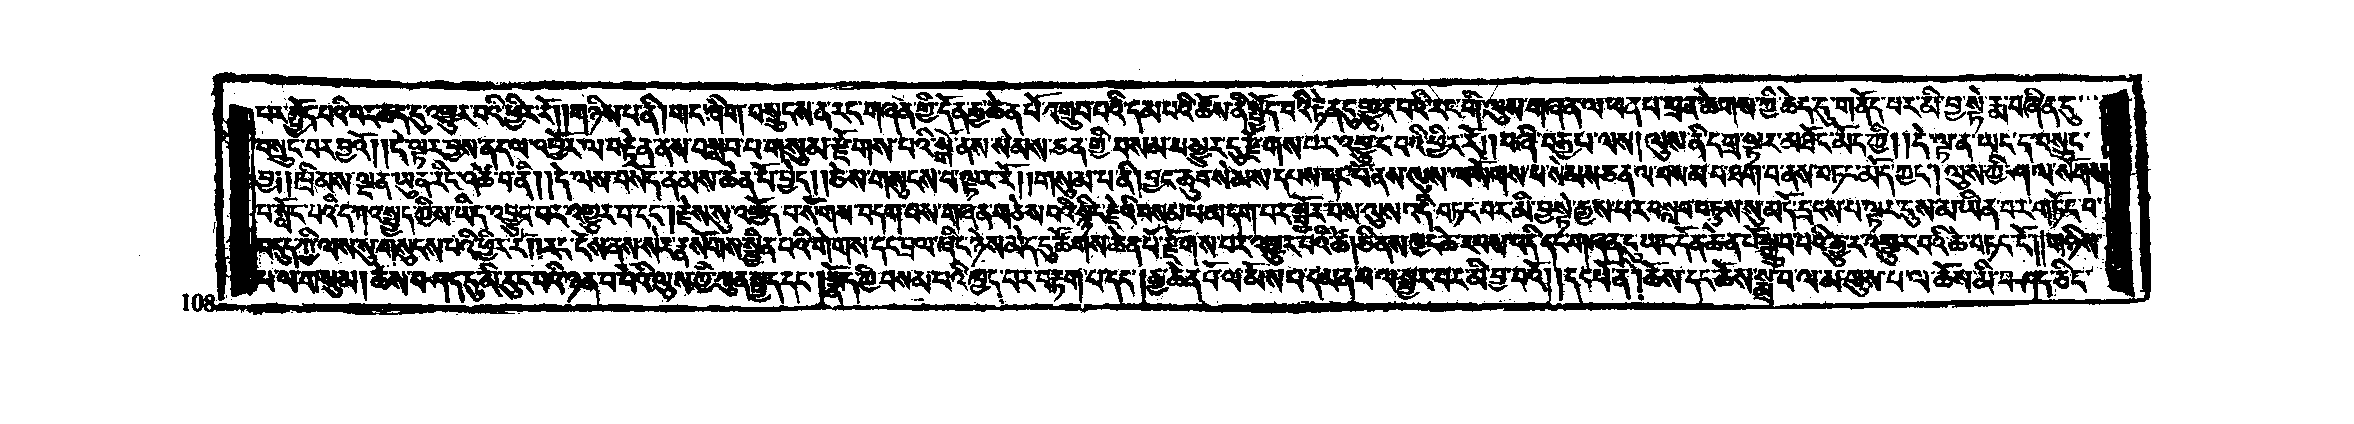པར་སྤྱོད་པའི་བར་ཆད་དུ་འགྱུར་བའི་ཕྱིར་རོ། །གཉིས་པ་ནི། གང་ཞིག་བསྲུངས་ན་རང་གཞན་གྱི་དོན་རྒྱ་ཆེན་པོ་འགྲུབ་པའི་དམ་པའི་ཆོས་ནི་སྤྱོད་པའི་རྟེན་དུ་གྱུར་པའི་རང་གི་ལུས་གཞན་ལ་ཕན་པ་ཕྲན་ཚོགས་ཀྱི་ཆེད་དུ་གནོད་པར་མི་བྱ་སྟེ་རྨ་བཞིན་དུ་
བསྲུང་བར་བྱའོ། །དེ་ལྟར་བྱས་ནད་ལ་འབྱོར་ལ་བརྟེན་ནས་བསླབ་པ་གསུམ་རྫོགས་པའི་སྒོ་ནས་སེམས་ཅན་གྱི་བསམ་པ་མྱུར་དུ་རྫོགས་པར་འགྱུར་བའི་ཕྱིར་རོ། །བཞི་བརྒྱ་པ་ལས། ལུས་ནི་དགྲ་ལྟར་མཐོང་མོད་ཀྱི། དེ་ལྟ་ན་ཡང་ད་བསྲུང་
བྱ༑ ༑ཁྲིམས་ལྡན་ཡུན་རིང་འཚེ་བ་ནི། །དེ་ལས་བསོད་ནམས་ཆེན་པོ་བྱེད། །ཆེས་གསུངས་པ་ལྟར་རོ། །གསུམ་པ་ནི། བྱང་ཆུབ་སེམས་དཔས་དང་པོ་ནས་ལུས་ལ་སོགས་པ་སེམས་ཅན་ལ་བསམ་པ་ཐག་པ་ནས་བཏང་མོད་ཀྱང་། ལུས་ཀྱི་ཤ་ལ་སོགས་
པ་སློང་བའི་དཀའ་སྤྱད་ཀྱིས་ཡིད་འབྱུང་བར་འགྱུར་བ་དང་། རྗེས་སུ་འགྱོད་པ་སོགས་བདག་པས་གཞན་གཅེས་པའི་སྙིང་རྗེའི་བསམ་པ་མ་དག་པར་སྦྱོར་བས་ལུས་འདི་བཏང་བར་མི་བྱ་སྟེ། རྒྱས་པར་བསླབ་བཏུས་སུ་མདོ་དྲངས་པ་ལྟར་དུས་མ་ཡིན་པར་གཏོང་བ་
བདུད་ཀྱི་ལས་སུ་གསུངས་པའི་ཕྱིར་རོ། །རང་ངོས་ནས་སེར་རྣ་སོགས་སྦྱིན་པའི་གེགས་དང་བྲལ་ཞིང་ཉེས་མེད་དུ་ཚོགས་ཆེན་པོ་རྫོགས་པར་འགྱུར་བའི་ཚེ། ཅི་ནས་ཀྱང་ཚེ་རབས་འདི་དང་ཞན་དུ་ཡང་དོན་ཆེན་པོ་སྒྲུབ་པའི་རྒྱུར་འགྱུར་བའི་ཆེ་བཏང་ངོ། །གཉིས་
པ་ལ་གསུམ། ཆོས་བཤད་དུ་མི་རུང་བའི་ཉན་པ་པོའི་ལུས་ཀྱི་ཀུན་སྤྱད་དང་། སྣོད་ཀྱི་བསམ་པའི་ཁྱད་པར་བརྟག་པ་དང་། རྒྱ་ཆེན་པོ་ལ་མོས་པ་དམན་པ་ལ་སྦྱར་བར་མི་བྱ་བའོ། །དང་པོ་ནི། ཆོས་དང་ཆོས་སྨྲ་བ་ལ་མ་གུས་པ་ལ་ཆོས་མི་བཤད་ཅིང་